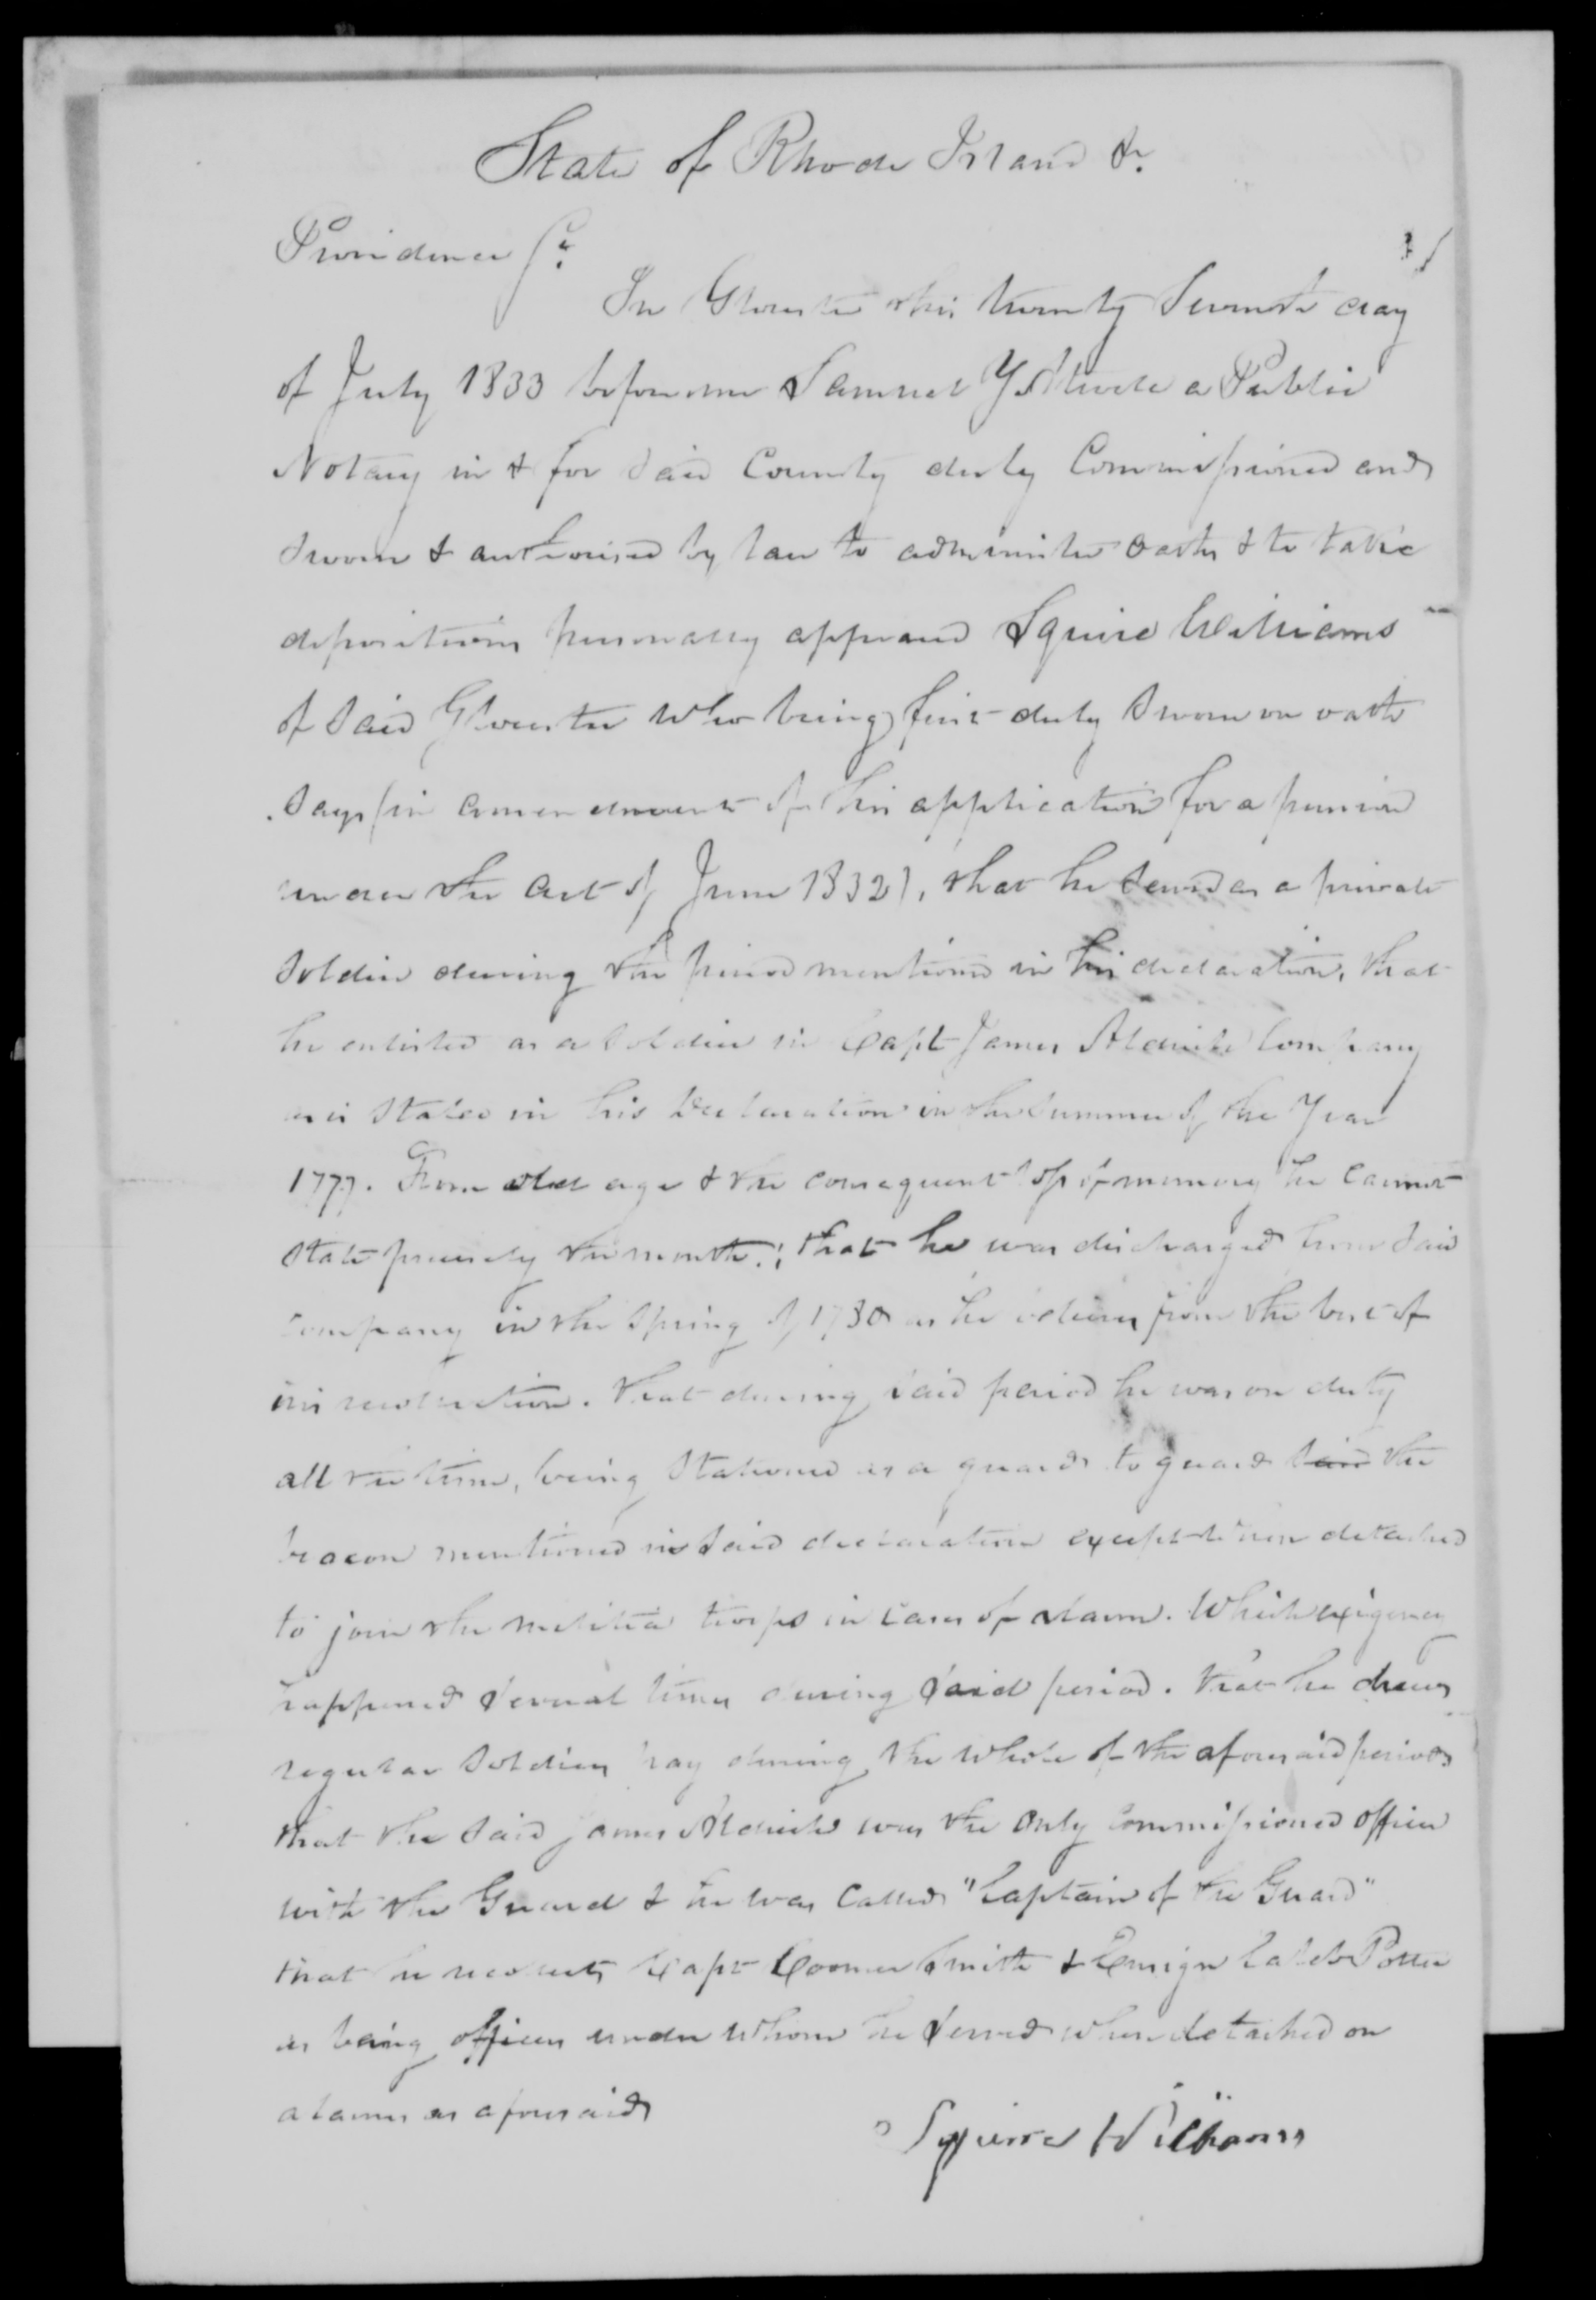State of Rhode Island In
Povidence:

In Gloucester this twenty seventh day of July 1833 before me Samuel Y. Atwell a Public Notary in & for said County duly commissioned and sworn & authorised by law to administer oaths & to take depositions personally appeared Squire Williams of said Glouster who being first duly sworn on oath says (in amendment of his application for a pension under the Act of June 1832), that he served as a private soldier during the period mentioned in his declaration, that he enlisted as a soldier in Capt James Aldrichs Company as is stated in his Declaration in the summer of the year 1777.  From old age & the consequent loss of memory he cannot State precisely the month;  that he was discharged from said Company in the spring of 1780 as he believes from the best of recollection. That during said period he was on duty all the time, being stationed as a guard to guard (the word “said” crossed out) the beacon mentioned in said declaration except when detailed to join the militia troops in case of alarm.  Which exigency happened several times during said period.  That he drew regular soldier pay during the whole of the aforesaid periods that the said James Aldrich was the only commissioned officer with the Guard & he was called “Captain of the Guard”  that he recollects Capt Comer Smith & Ensign Caleb Potter as being officers under whom he served when detailed on alarm as aforesaid.

Squire Williams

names: James Aldrich, Samuel Y Atwell, Caleb Potter, Conner Smith, Squire Williams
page: 19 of 23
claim: survivor's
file: S. 21576, Squire Williams, R. I.